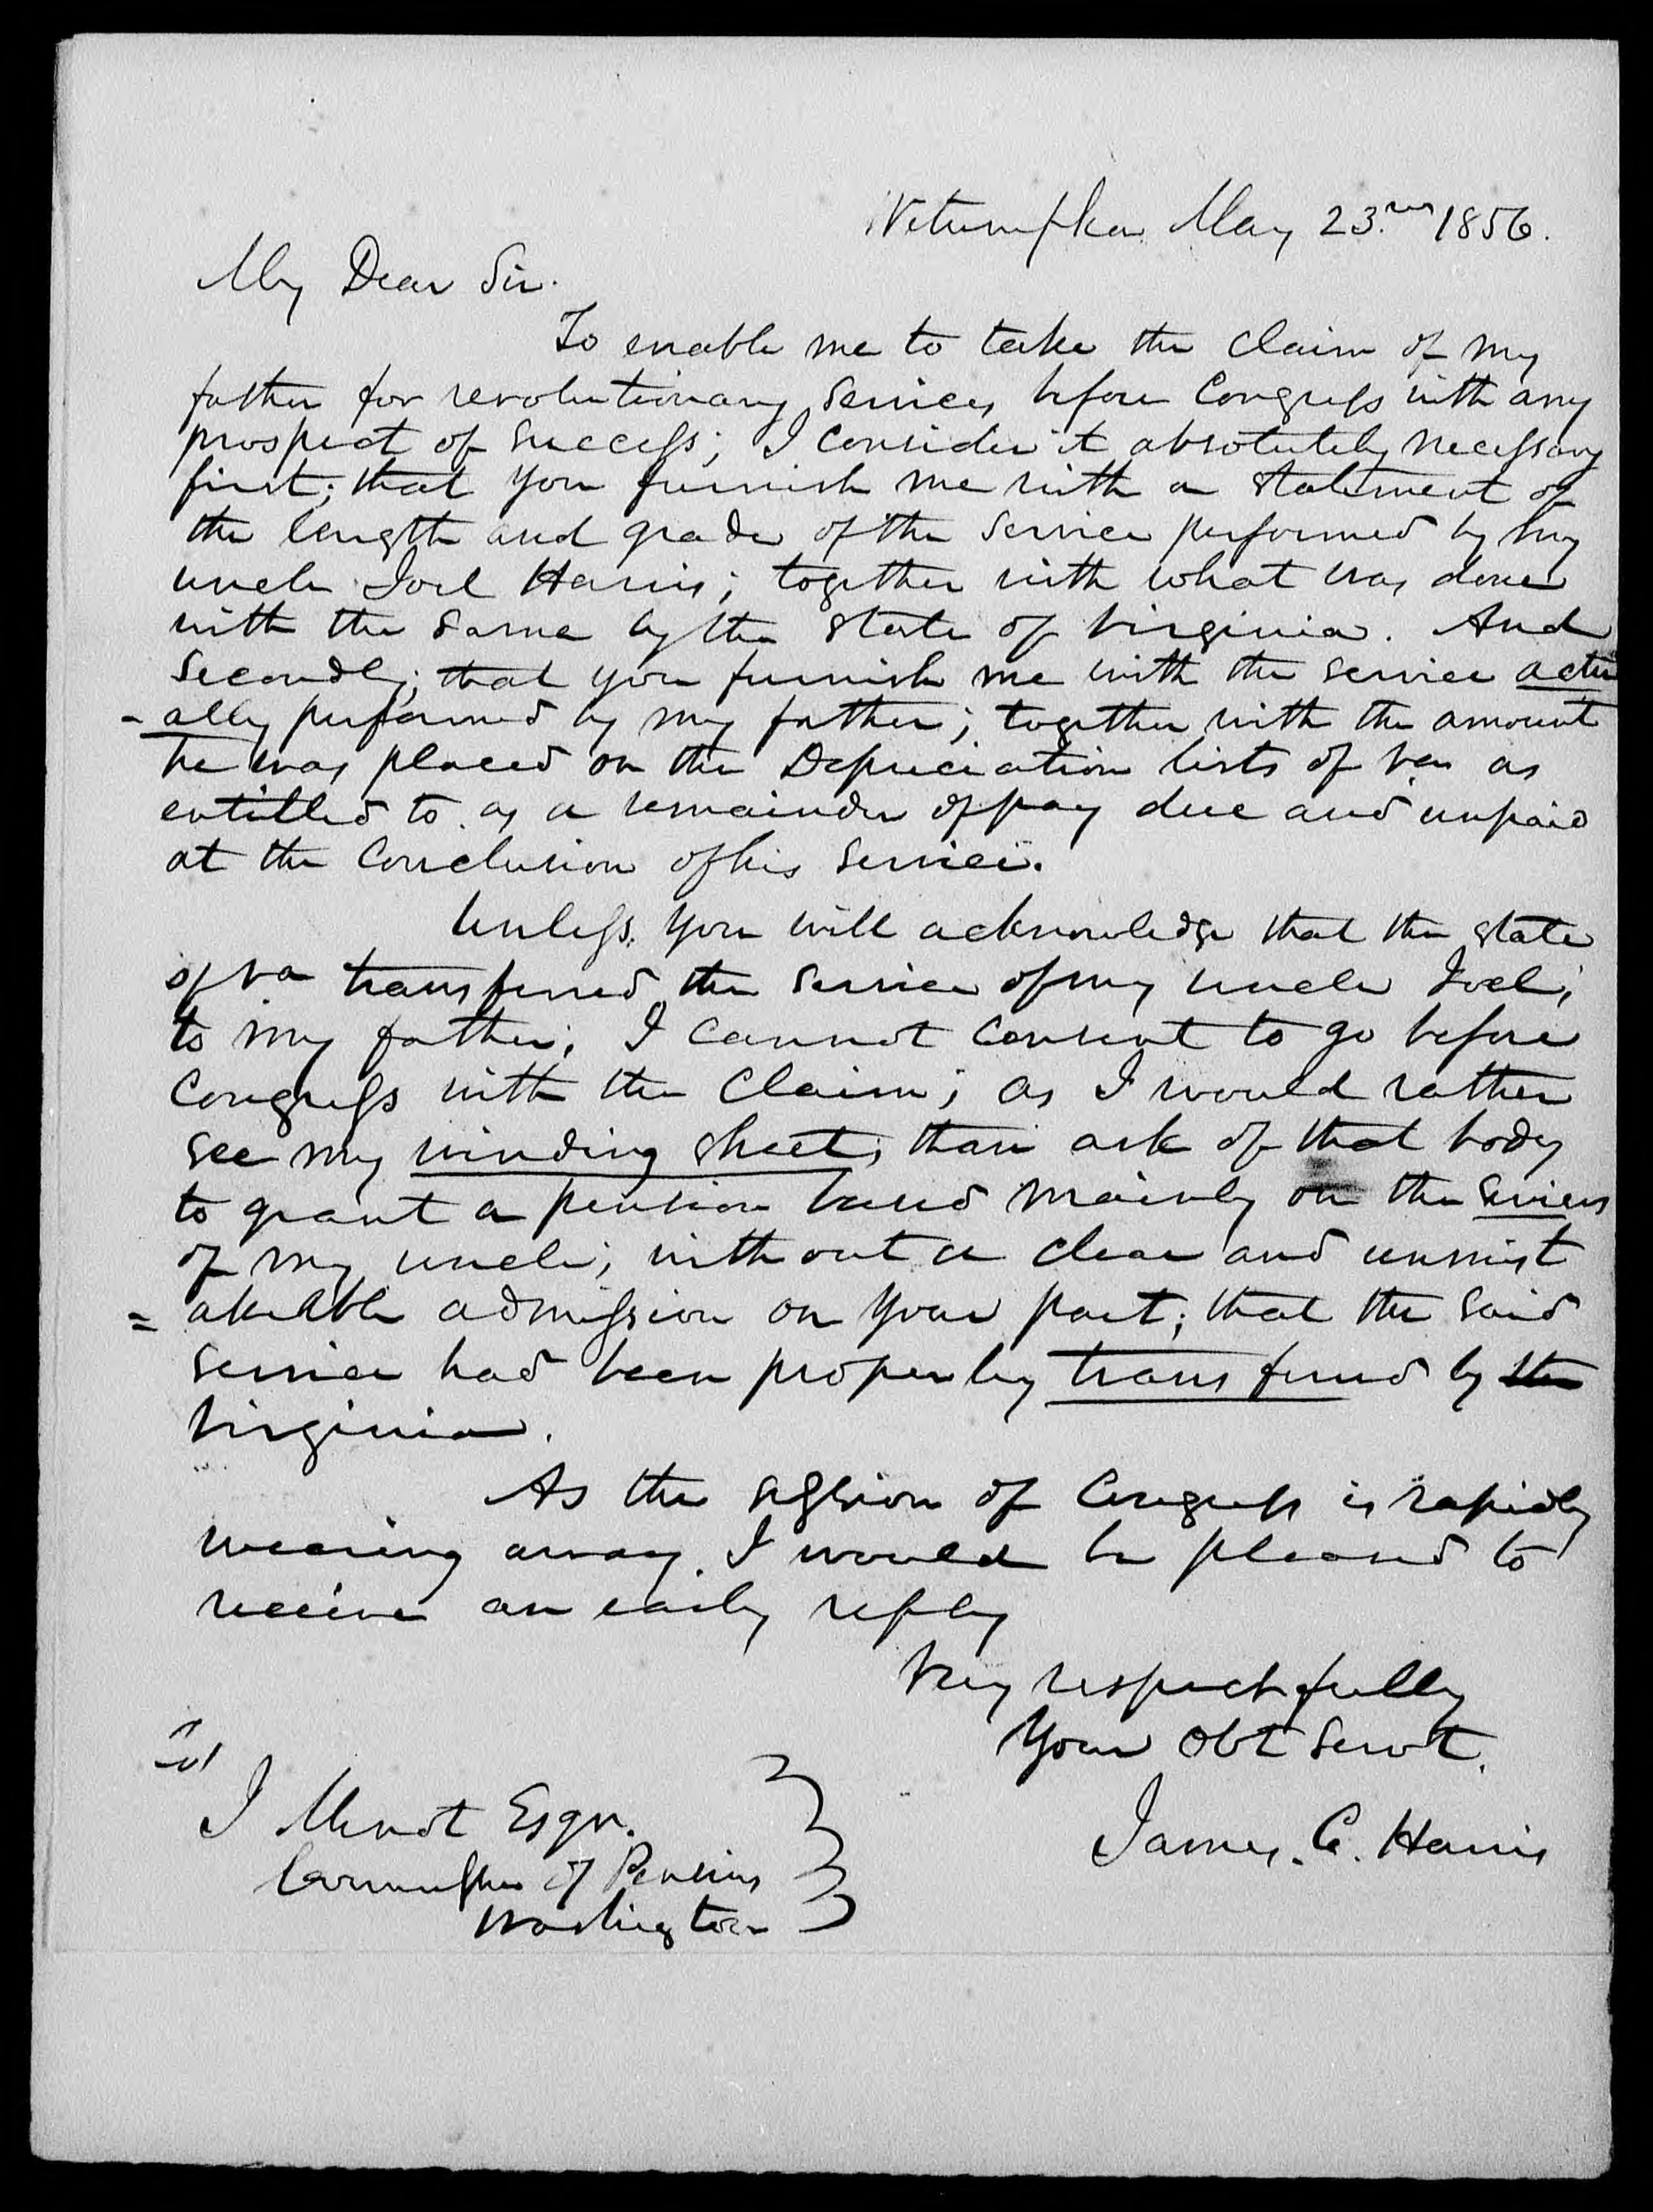Wetumpka May 23rd 1856

My Dear Sir
To enable me to take the claim of my father for revolutionary services before Congress with any prospect of success, I consider it absolutely necessary first: that you furnish me with a statement of the length and grade of the service performed by my uncle Joel Harris, together with what was done with the same by the State of Virginia.  And secondly, that you furnish me with the services actually performed by my father, together with the amount he was placed on the Depreciation lists of Va. as entitled to as a remainder of pay due and unpaid at the conclusion of his service.
Unless you will acknowledge that the state of Va transferred the service of my Uncle Joel, to my father, I cannot consent to go before Congress with the claim, as I would rather see my winding sheet, than ask of that body to grant a pension based mainly on the service of my uncle, without a clear and unmistakable admission on your part, that the said service had been properly transferred by Virginia.
As the session of Congress is rapidly wearing away, I would be pleased to receive an early reply.
Very respectfully
Your Obt Servt
James C. Harris

J. Minot Esqr
Commissn of Pensions
Washington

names: James C Harris, Joel Harris, J Minot, Joel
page: 100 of 160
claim: rejected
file: R. 4666, James Harris, Va.